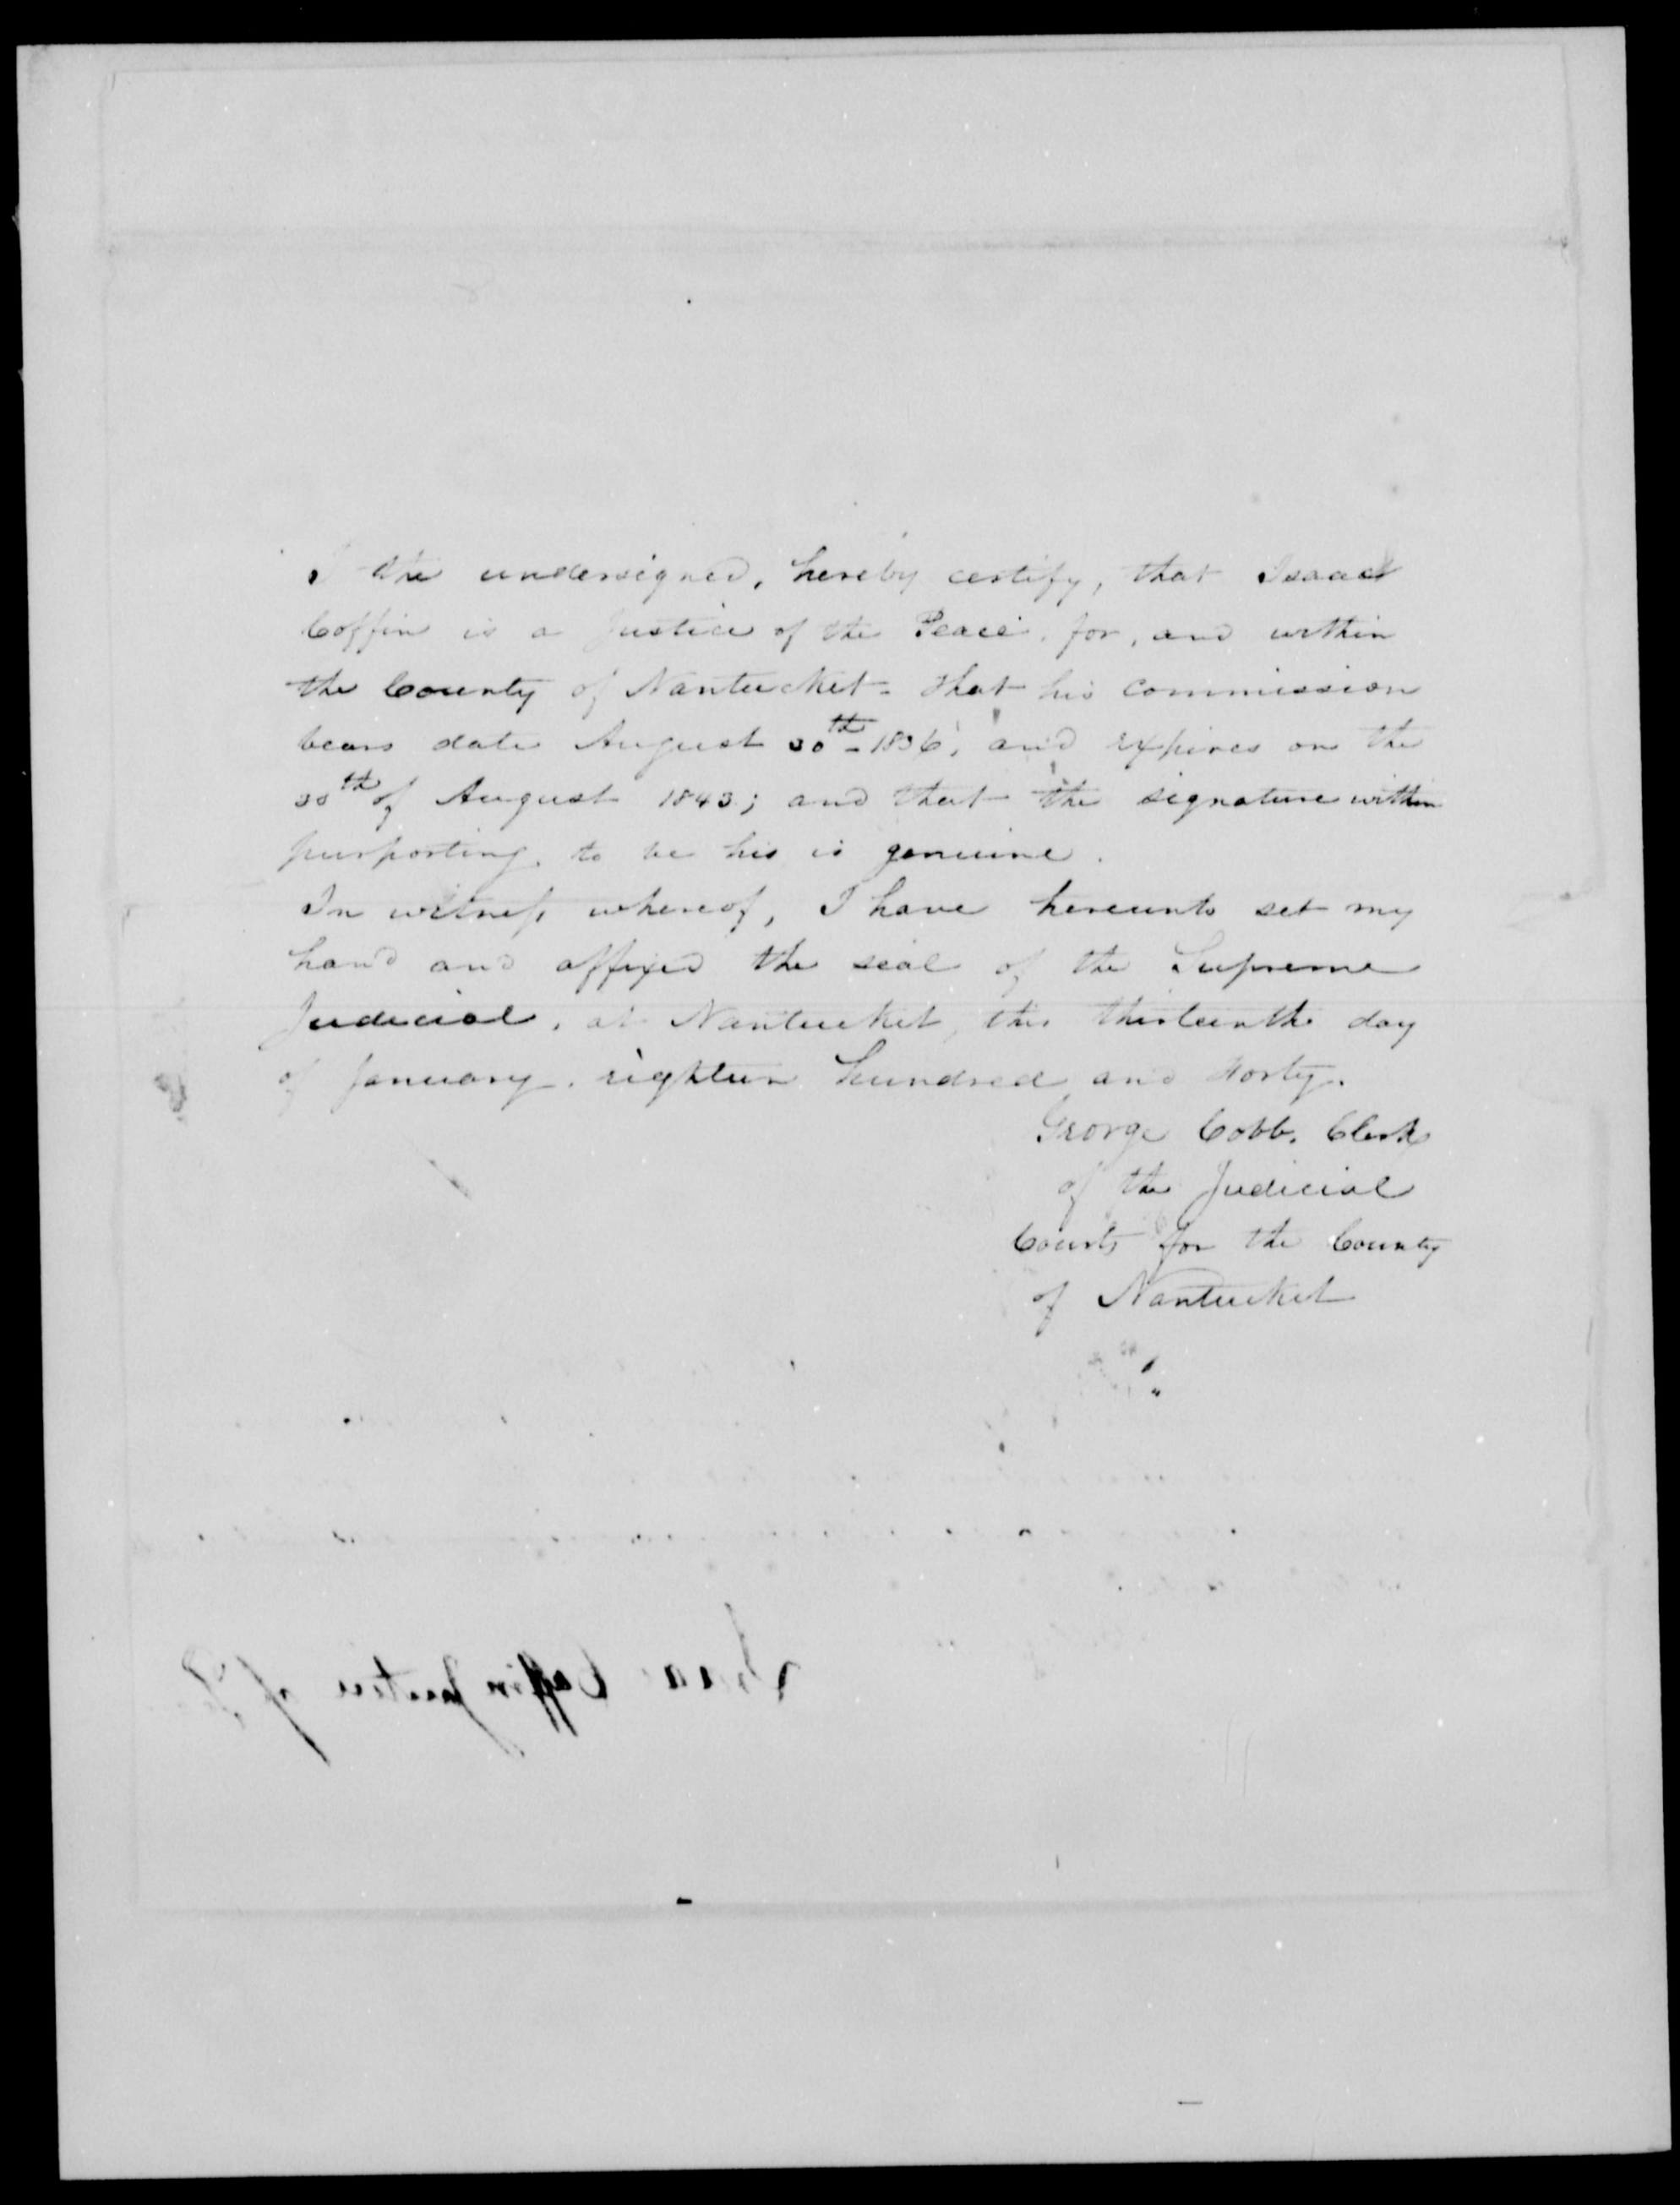[doc is written]

I, the undersigned, hereby certify that Isaac
Coffin is a Justice of the Peace for and within
the County of Nantucket. That his commission
bears date August 20th 1836, and expires on the
20th of August 1843; and that the signature written
purporting to be his is genuine.
In witness whereof, I have hereunto set my
hand and affixed the seal of the Supreme
Judicial at Nantucket this thirteenth day
of January eighteen hundred and forty
George Cobb, Clerk
of the Judicial
Courts for the County
of Nantucket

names: George Cobb; Isaac Coffin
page: 4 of 20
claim: widow's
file: W. 22,200, for James Sherman, Massachusetts